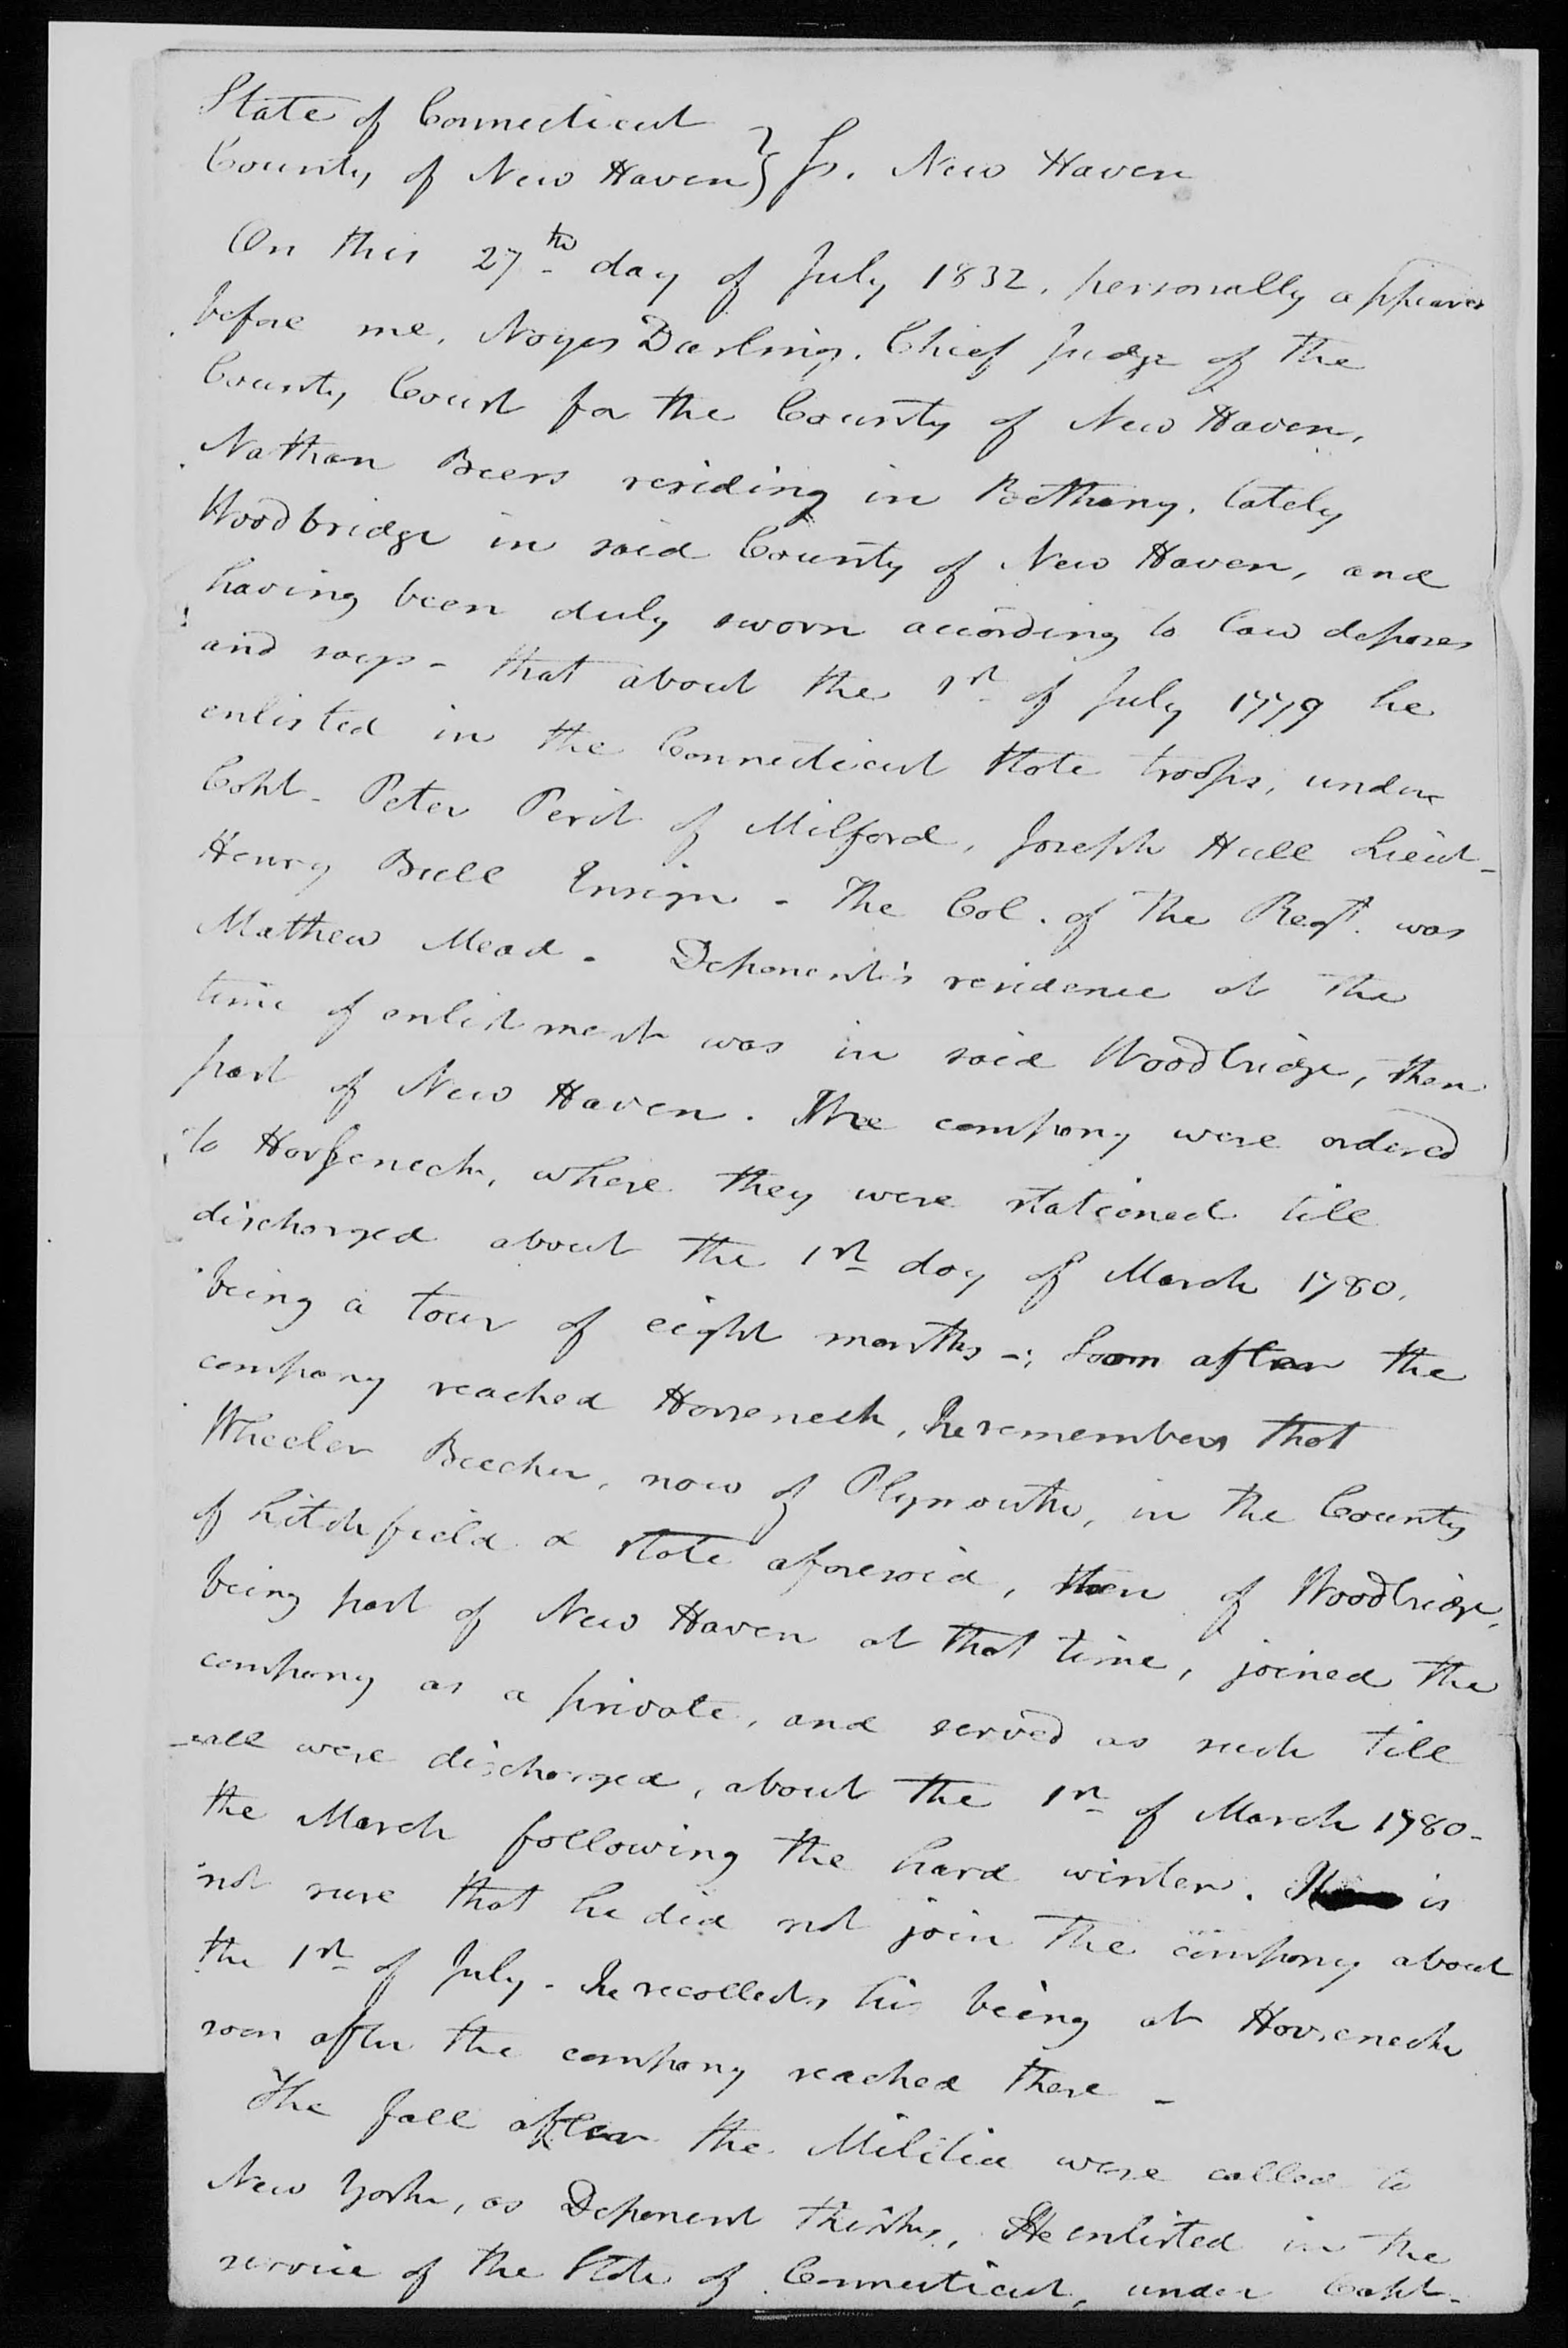State of Connecticut
County of New Haven} Ss. New Haven
On this 27th day of July 1832 personally appeared before me Noyes Darling, Chief Judge of the County Court for the County of New Haven, Nathan Beers residing in Bethany, lately Woodbridge in said County of New Haven, and having been duly sworn according to law deposes and says - that about the 1st of July 1779 he enlisted in the Connecticut State troops, under Capt Peter Perit of Milford, Joseph Hull Lieutenant Henry Bull Ensign - The Col of the Reg't was Matthew Mead. Deponent's residence at the time of enlistment was in said Woodbridge, then part of New Haven. The company were ordered to Horseneck where they were stationed till discharged about the 1st day of March 1780 being a tour of eight months - soon after the company reached Horseneck, he remembers that Wheeler Beecher, now of Plymouth, in the County of Litchfield & State aforesaid, then of Woodbridge, being part of New Haven at that time, joined the company as a private, and served as such till all were discharged, about the 1st of March 1780 - the March following the hard winter. He is not sure that he did not join the company about the 1st of July - he recollects his being at Horseneck soon after the company reached there -
The fall after the Militia were called to New York, as Deponent thinks, He enlisted in the service of the State of Connecticut, under Capt.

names: Wheeler Beecher, Nathan Beers, Joseph Hull, Noyes Darling, Henry Bull, Peter Perit, Mathew Mead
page: 12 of 21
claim: survivor's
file: S. 14943, Wheeler Beecher, Conn.